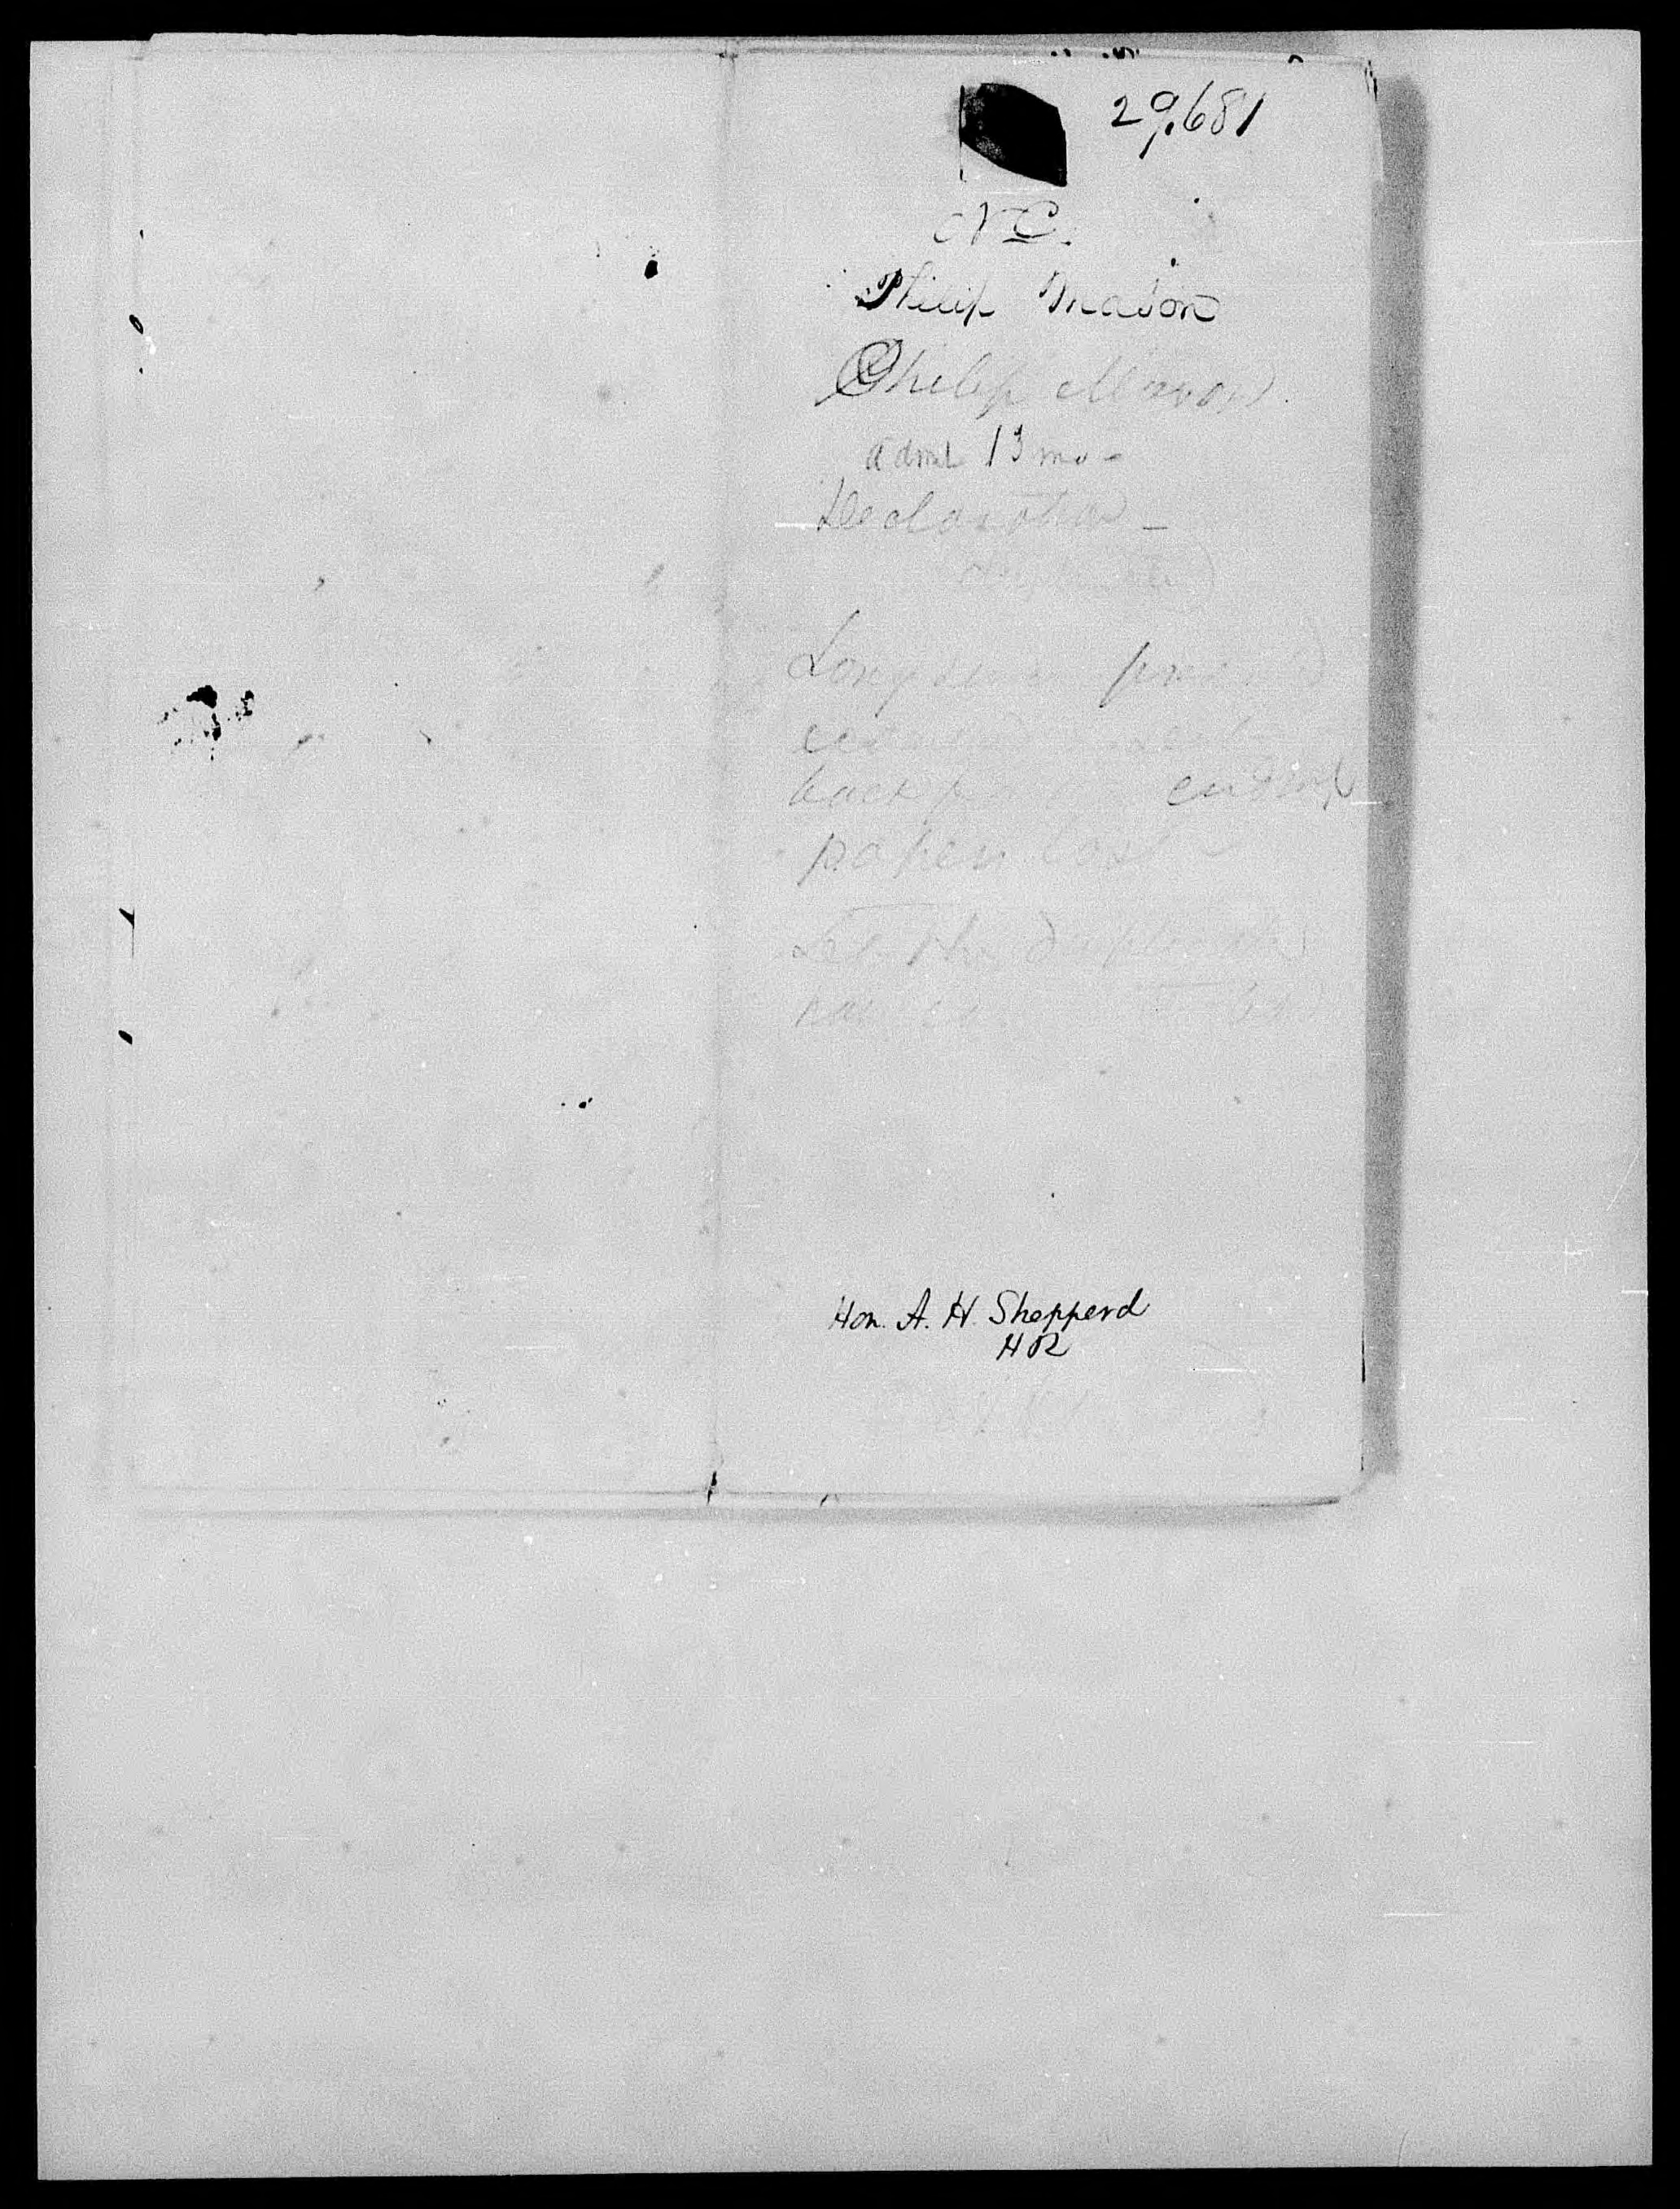29.681
NC.
Philip Mason
Philip Mason
Illegible 13 mo -
Declaration -
[Illegible]
Hon. A. H. Shepperd
HR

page: 3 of 18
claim: survivor's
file: S. 8,994, for Philip Mason, North Carolina